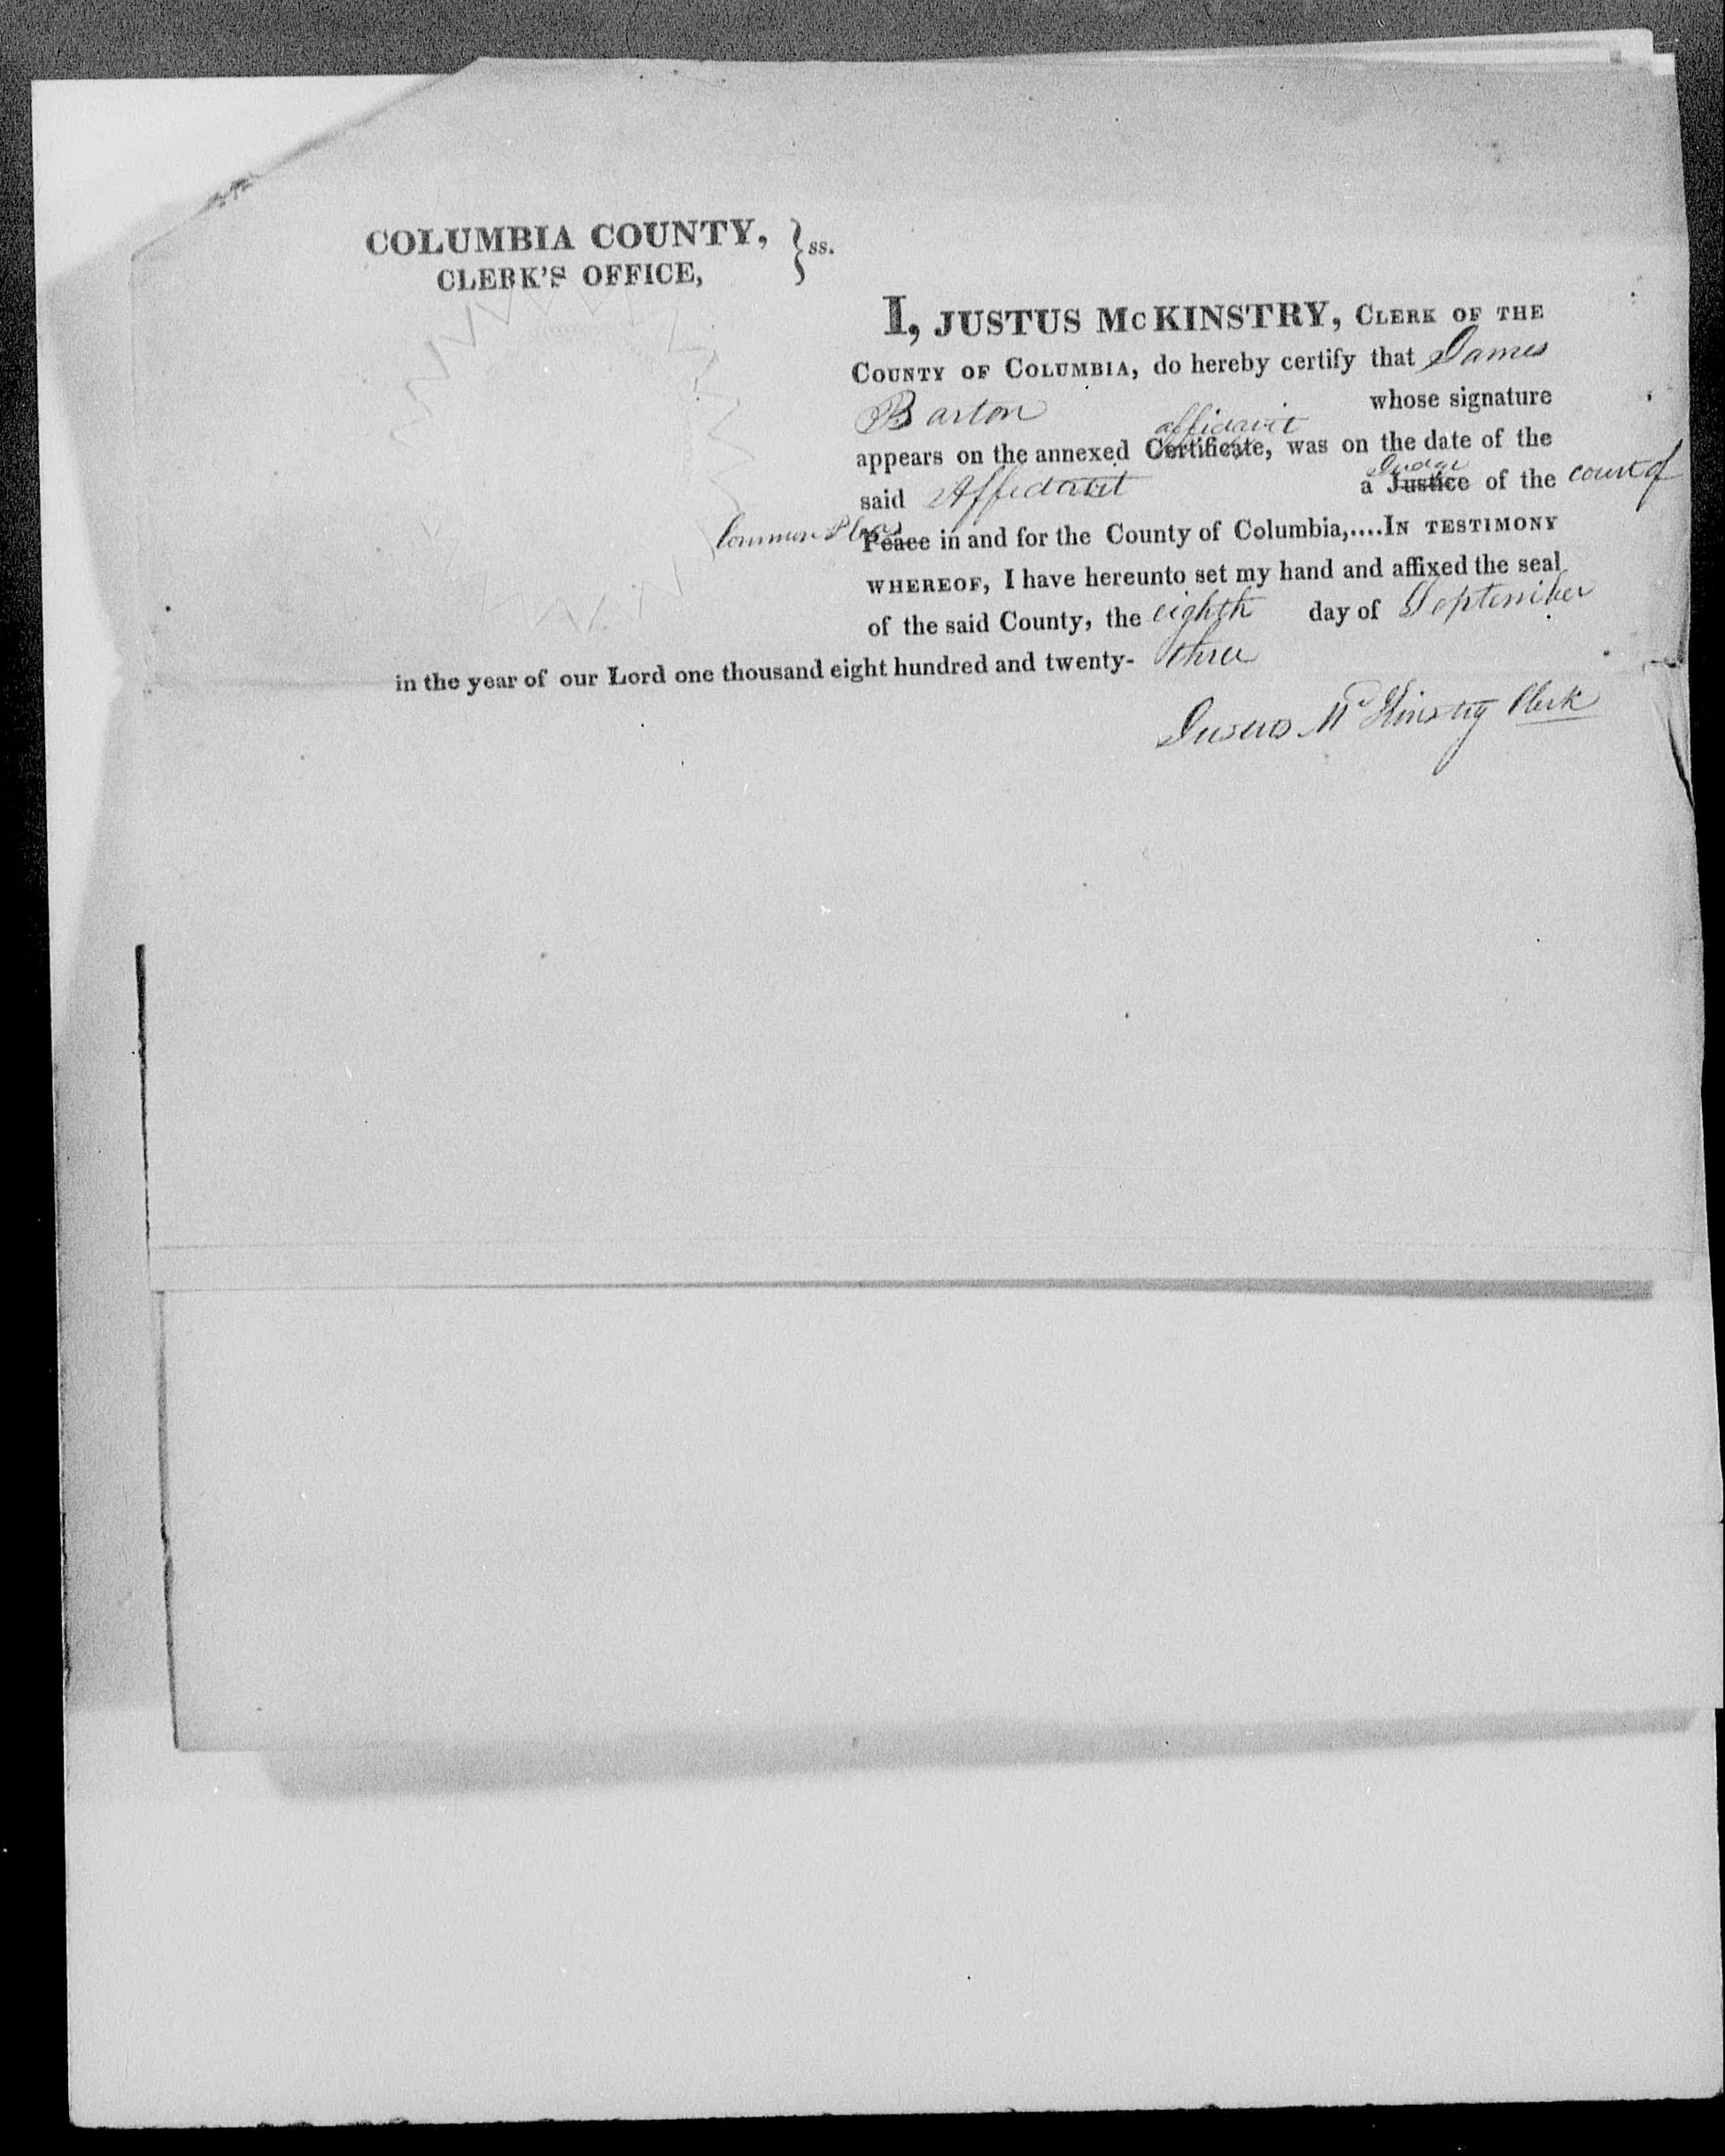COLUMBIA COUNTY,
CLERK'S OFFICE,
[bracket] 88.

I, JUSTUS McKINSTRY, CLERK OF THE
COUNTY OF COLUMBIA, do hereby certify that [handwritten] James
Barton [end handwritten] 
whose signature
appears on the annexed [handwritten] affidavit [end handwritten] ["Certificate" crossed out], was on the date of the
said [handwritten] Affidavit [end handwritten] a [handwritten] Judge [end handwritten] ["Justice" crossed out] of the [handwritten] court of Common Please [end handwritten] ["Peace" crossed out] in and for the County of Columbia,.... IN TESTIMONY
WHEREOF, I have hereunto set my hand and affixed the seal
of the said County, the [handwritten] eighth [end handwritten] day of [handwritten] September [end handwritten] 
in the year of our Lord one thousand eight hundred and twenty-[handwritten]three[end handwritten] 
Justus McKinstry Clerk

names: Justus Mc Kinstry, James Barton, Justus Mc Kinstry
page: 7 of 9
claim: survivor's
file: S. 45181, Samuel Akins, New York